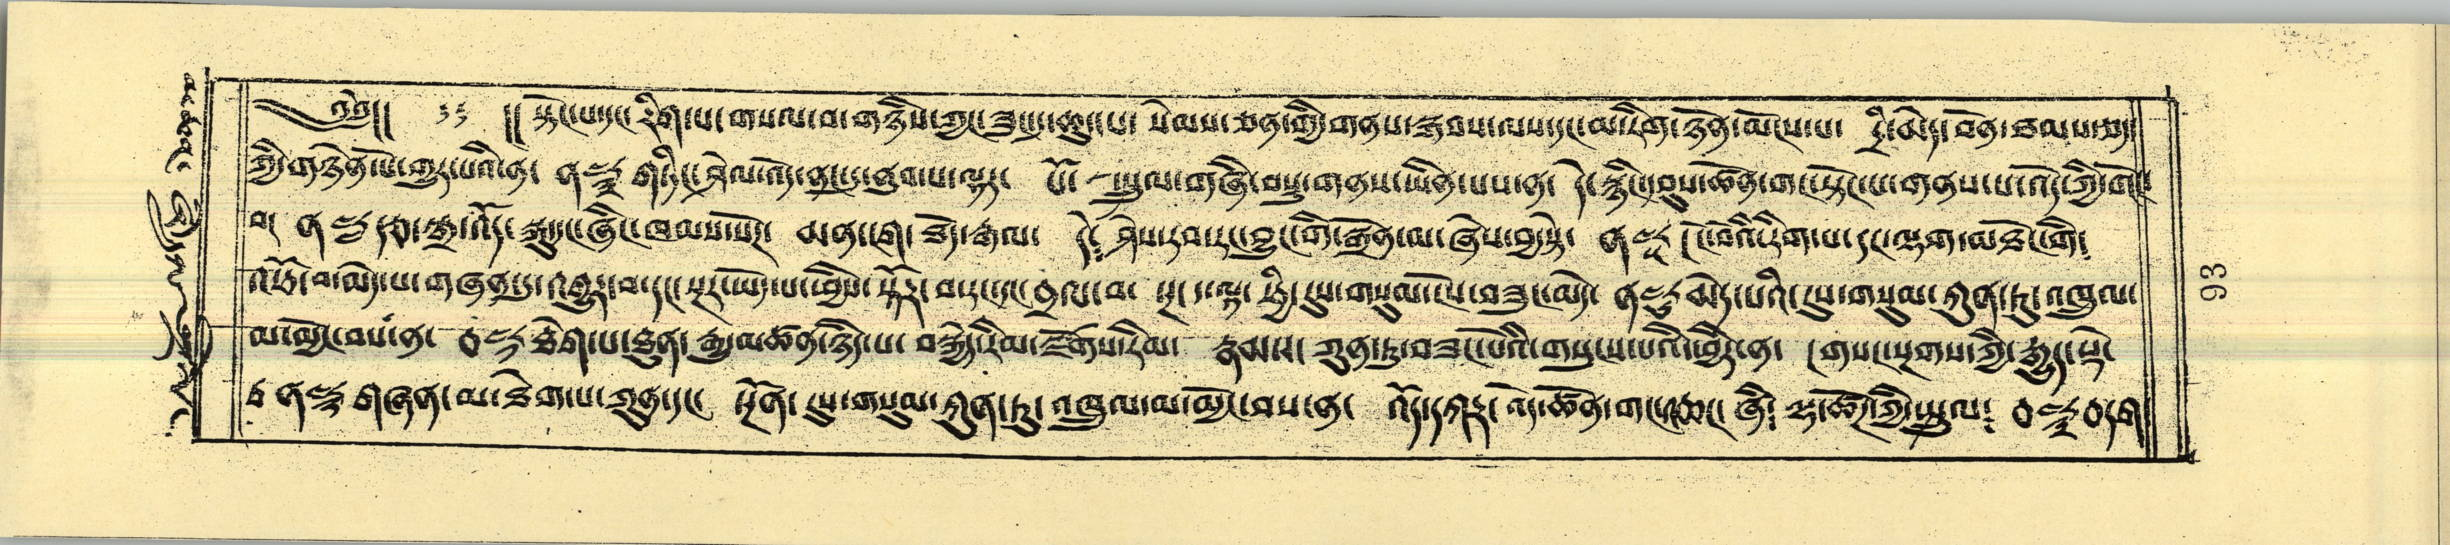སྟོང་པ་དང་༼རིག་པ༽གསལ་བ་གཉིས་ཀྱང་ཟུང་དུ་ཆུད་པ་སེམས་ཅན་གྱི་གནས་སྐབས་ལས་དང་མ་རིག་ཉོན་མོངས་པ་༼དྲི་མེད༽བོན་ཐམས་ཅད་
ཀྱི་གཉེན་པོ་གྱུར་པས་ན་ན༤༨།༣༼གཏིང་༽ཤེལ་འོད་ནང་དུ་ནུབ་པ་ལྟར་༼པོ༽སྤྲུལ་གཞི་བསྡུ་གནས་ཡིན་པས་ན་༼དེ༽སྙིང་དབུས་ཚོན་གང་སྟོང་པ་གནས་པ་འོད་ཀྱི་གོང་
བ་ན༤༨།༤༼རྩ་སྒྲ་འོད་༽སྐུ་དང་ཞིང་ཁམས་སོགས་༼མན་ངག༽ཐོད་རྒལ་༼དེ༽ཤེས་རབ་རང་བྱུང་གི་སྒྲོན་མ་ཞེས་བྱ་སྟེ་ན༤༨།༥ངོ་བོའི་རིག་པ་དང་ལྷག་མཐོང་གི་
༼འཕོ༽བ་མེད་པ་གཞན་དུ་འགྱུར་བ་དང་སྔར་ཡོད་པ་ཕྱིས་༼སྟོར་བ༽རང་དང་༼བྲལ༽བ་༼སྔ༽ད་ལྟ་༼ཕྱི་༽དུས་གསུམ་ངོས་བཟུང་མེད་ན༤༨།༦༼མེད་པའི༽དུས་གསུམ་༼ཀུན་ཏུ༽འཁྲུལ་
མ་མྱོང་བས་ན་བ༤༨།༡༼ཐཻག་པ་ཐུན༽རྒྱུ་མཚན་ཉིད་པ་བསྐྱེད་རྫོགས་རྫོགས་རིམ་༼རྣམས༽ཀུན་ཏུ་བཟང་པོས་གསུངས་པའི་ཕྱིར་ན་གསང་སྔགས་ཀྱི་༼རྒྱུད་སྡེ༽ 
བ༤༨།༢༼གཞན༽མ་ཐེག་པ་ཀུན་དང་༼སྔོན༽དུས་གསུམ་༼ཀུན་ཏུ༽འཁྲུལ་མ་མྱོང་བས་ན་༼འོད་དཀར༽འོད་ཚོན་གང་༼འཆང༽ཞི། ལྷ་ཚོགས་ཀྱི་སྤྲུལ་པ་བ༤༨།༣༼བདག༽